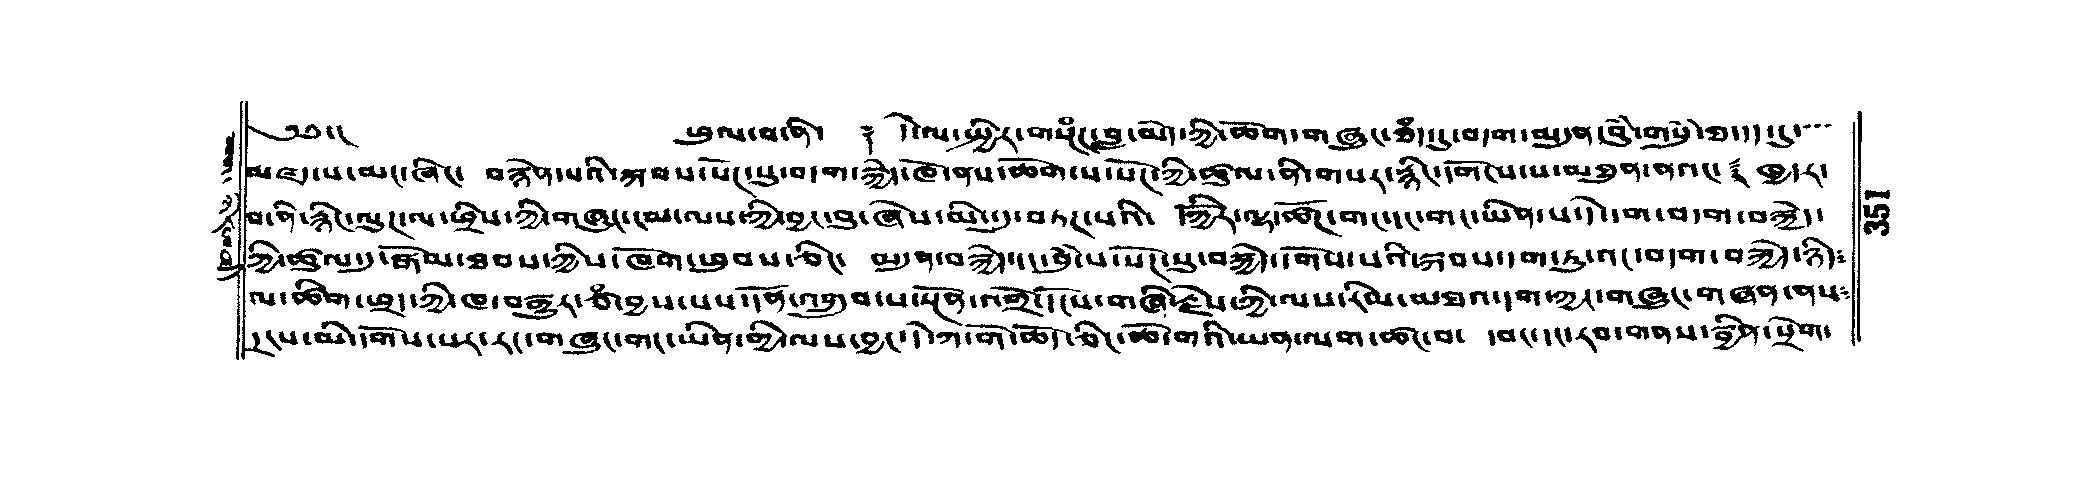ཕུལ་བ་ནི། ༈ དེ་ལ་སྤྱིར་གསང་སྔགས་བླ་མེད་ཀྱི་ཆོག་གཞུང་ཐ་དད་དུ་བདག་མདུན་བུམ་གསུམ་ཐ་དད་དུ་
མཛད་པ་མང་ཞིང་། བསྙེན་པའི་སྐབས་སོགས་སུ་བདག་བསྐྱེད་ཁོ་ནས་ཆོག་པ་སོགས་ཀྱི་ཚུལ་ནི་གསར་རྙིང་དགོངས་པ་མཐུན་ནའང་། ༈ ཁྱད་པར་
ནི་རྙིང་ལུགས་ལ་ཕྲིན་ལས་ཀྱི་གཞུང་ངམ་ལས་ཀྱི་བྱང་བུ་ཞེས་མིང་དུ་བཏགས་པའི་དཀྱིལ་འཁོར་ལྷ་ཚོགས་གང་དང་གང་ཡིན་པ་དེ་དག་བདག་བསྐྱེད་
ཀྱི་ཚུལ་དུ་སྒོམ་ཐབས་ཀྱིས་ཁོག་ཕུབས་ཅིང་། མདུན་བསྐྱེད་དང་བུམ་པ་སོགས་སུ་བསྐྱེད་དགོས་པའི་སྐབས་དག་ཏུའང་བདག་བསྐྱེད་ཉིད་
ལ་ཚིག་ཕྲད་ཀྱི་ཁ་བསྒྱུར་ཙམ་བྱས་པས་དོན་འགྲུབ་པ་སྔོན་འགྲོ་དངོས་གཞི་རྗེས་ཀྱི་ལས་རིམ་མཐའ་དག་ཀྱང་གཞུང་གཞན་ནས་
དྲངས་མི་དགོས་པར་རང་གཞུང་གང་ཡིན་གྱི་ལས་བྱང་དེ་ཀ་གོ་ཆོད་ཅིང་ཆོ་གའི་ཡན་ལས་ཚང་བ། དབང་དང་རབ་གནས་སྦྱིན་སྲེག་